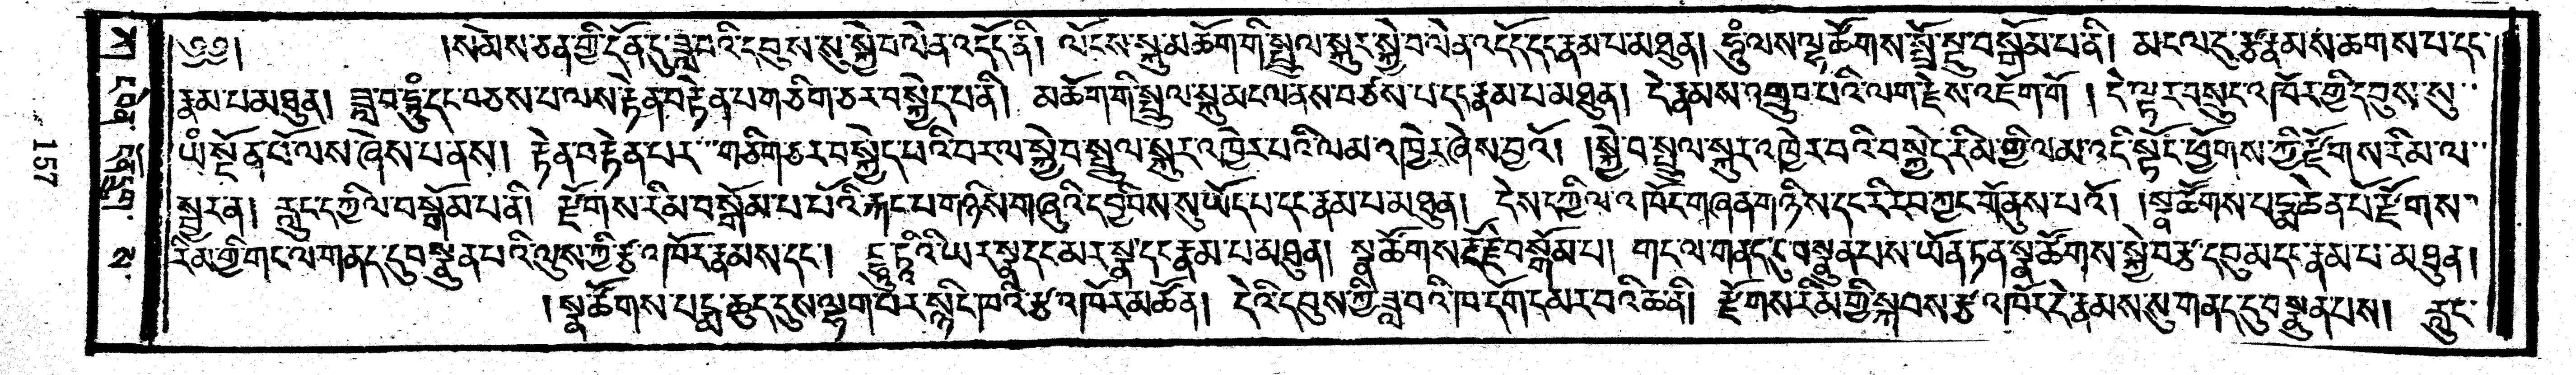༄༅། །སེམས་ཅན་གྱི་དོན་དུ་ཟླ་བའི་དབུས་སུ་སྐྱེ་བ་ལེན་འདོད་ནི། ལོངས་སྐུ་མཆོག་གི་སྤྲུལ་སྐུར་སྐྱེ་བ་ལེན་འདོད་དང་རྣམ་པ་མཐུན། ཧཱུཾ་ལས་ལྷ་ཚོགས་སྤྲོ་སྡུ་བསྒོམ་པ་ནི། མངལ་དུ་རྩ་རྣམས་ཆགས་པ་དང་
རྣམ་པ་མཐུན། ཟླ་བ་ཧཱུཾ་དང་བཅས་པ་ལས་རྟེན་བརྟེན་པ་གཅིག་ཅར་བསྐྱེད་པ་ནི། མཆོག་གི་སྤྲུལ་སྐུ་མངལ་ནས་བཙས་པ་དང་རྣམ་པ་མཐུན། དེ་རྣམས་འགྲུབ་པའི་ལག་རྗེས་འཇོག་གོ །དེ་ལྟར་བསྲུང་འཁོར་གྱི་དབུས་སུ་
ཡཾ་སྔོན་པོ་ལས་ཞེས་པ་ནས། རྟེན་བརྟེན་པར་གཅིག་ཅར་བསྐྱེད་ཕའི་བར་ལ་སྐྱེ་བ་སྤྲུལ་སྐུར་འཁྱེར་པའི་ལམ་འཁྱེར་ཞེས་བྱའོ། །སྐྱེ་བ་སྤྲུལ་སྐུར་འཁྱེར་བའི་བསྐྱེད་རིམ་གྱི་ལམ་འདི་སྟོང་ཕྱོགས་ཀྱི་རྫོགས་རིམ་ལ་
སྦྱར་ན། རླུང་དཀྱིལ་བསྒོམ་པ་ནི། རྫོགས་རིམ་བསྒོམ་པ་པོའི་རྐང་པ་གཉིས་གཞུའི་དབྱིབས་སུ་ཡོད་པ་དང་རྣམ་པ་མཐུན། དེས་དཀྱིལ་འཁོད་གཞན་གཉིས་དང་རི་རབ་ཀྱང་གོ་ནུས་པའོ། །སྣ་ཚོགས་པདམ་ཆེན་པོ་རྫོགས་
རིམ་གྱི་གང་ལ་གནད་དུ་བསྣུན་པའི་ལུས་ཀྱི་རྩ་འཁོར་རྣམས་དང་། དྷཱུ་ཏཱིའི་ཡར་སྣ་དང་མར་སྣ་དང་རྣམ་པ་མཐུན། སྣ་ཚོགས་རྡོ་རྗེ་བསྒོམ་པ། གང་ལ་གནད་དུ་བསྣུན་པས་ཡོན་ཏན་སྣ་ཚོགས་སྐྱེ་བ་རྩ་དབུ་མ་དང་རྣམ་པ་མཐུན།
།སྣ་ཚོགས་པདམ་ཆུད་དུས་ལྷག་པར་སྙིང་ཁའི་རྩ་འཁོར་མཚོན། དེའི་དབུས་ཀྱི་ཟླ་བའི་ཁ་དོག་དམར་བའི་ཆ་ནི། རྫོགས་རིམ་གྱི་སྐབས་རྩ་འཁོར་དེ་རྣམས་སུ་གནད་དུ་བསྣུན་པས། རླུང་